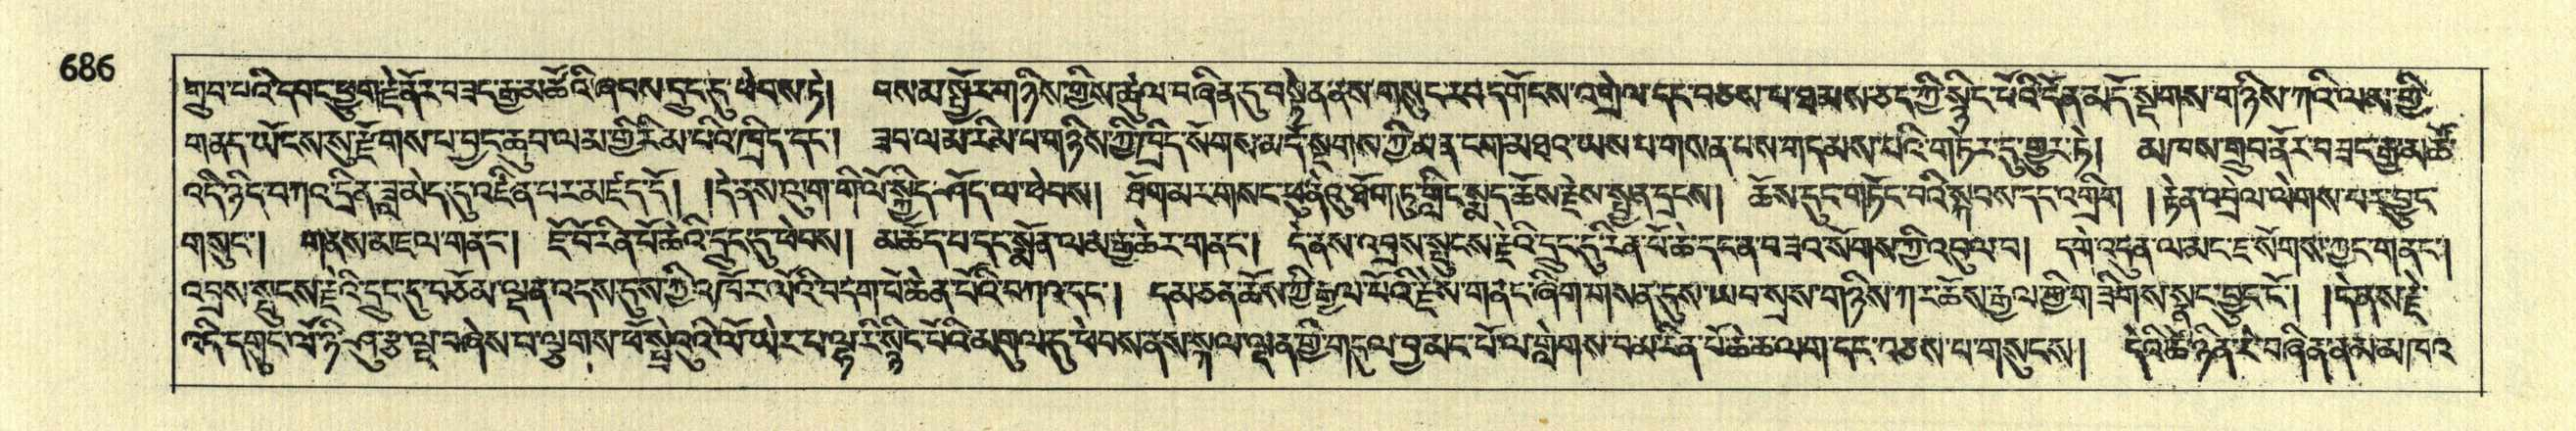གྲུབ་པའི་དབང་ཕྱུག་རྗེ་ནོར་བཟང་རྒྱ་མཚོའི་ཞབས་དྲུང་དུ་ཕེབས་ཏེ། བསམ་སྤྱོར་གཉིས་གྱིས་ཚུལ་བཞིན་དུ་བསྟེན་ནས་གསུང་རབ་དགོངས་འགྲེལ་དང་བཅས་པ་ཐམས་ཅད་ཀྱིས་ཉིང་པོའི་དོན་མདོ་སྔགས་གཉིས་ཀའི་ལམ་གྱི་
གནད་ཡོངས་སུ་རྫོགས་པ་བྱང་ཆུབ་ལམ་གྱི་རིམ་པའི་ཁྲིད་དང་། ཟབ་ལ་མོ་རིམ་པ་གཉིས་ཀྱི་ཁྲིད་སོགས་མདོ་སྔགས་ཀྱི་མན་ངག་མཐའ་ཡས་པ་གསན་པས་གདམས་པའི་གཏེར་དུ་གྱུར་ཏེ། མཁས་གྲུབ་ནོར་བཟང་རྒྱ་མཚོ་
འདི་ཉིད་བཀའ་དྲིན་ཟླ་མེད་དུ་འཛིན་པར་མཛད་དོ། །དེ་ནས་ལུག་གི་ལོ་སྐྱིད་ཤོད་ལ་ཕེབས། ཐོག་མར་གསང་ཕུ་ནེའུ་ཐོག་ཏུ་གླིང་སྨད་ཆོས་རྗེས་སྤྱན་དྲངས། ཆོས་དུང་གཏོང་བའི་སྐབས་དང་འགྲིག །རྟེན་འབྲེལ་ལེགས་པར་བྱུང་
གསུང་། ངས་མཇལ་གནང་། ཇོ་བོ་རིན་པོ་ཆེའི་དྲུང་དུ་ཕེབས། མཆོད་པ་དང་སྨོན་ལམ་རྒྱ་ཆེར་གནང་། དེ་ནས་འབྲས་སྤུངས་རྗེའི་དྲུང་དུ་རིན་པོ་ཆེ་དང་ན་བཟའ་སོགས་ཀྱི་འབུལ་བ། དགེ་འདུན་ལ་མང་ཇ་སོགས་ཀྱང་གནང་།
འབྲས་སྤངས་རྗེའི་དྲུང་དུ་བཅོམ་ལྡན་འདས་དུས་ཀྱི་འཁྲོ་ལོའི་བདག་པོ་ཆེན་པོའི་བཀའ་དང་། དམ་ཅན་ཆོས་ཀྱི་རྒྱལ་པོའི་རྗེས་གནང་ཞིག་གསན་དུས་ཡབ་སྲས་གཉིས་ཀར་ཆོས་རྒྱལ་གྱི་གཟིགས་སྣང་བྱུང་ངོ། །དེ་ནས་རྗེ་
འདི་དགུང་ལོ་ཉི་ཤུ་རྩ་ལྔ་བཞེས་པ་ལྕགས་ཕོ་སྤྲེའུའི་ལོ་ཡེར་པ་ལྷ་རི་སྙིང་པོའི་མགུལ་དུ་ཕེབས་ནས་སྐལ་ལྡན་གྱི་གདུལ་བྱ་མང་པོ་ལ་གླེགས་བམ་རིན་པོ་ཆེ་ཆ་ལག་དང་བཅས་པ་གསུངས། དེའི་ཚེ་ཉིན་རེ་བཞིན་ནམ་མཁའ་